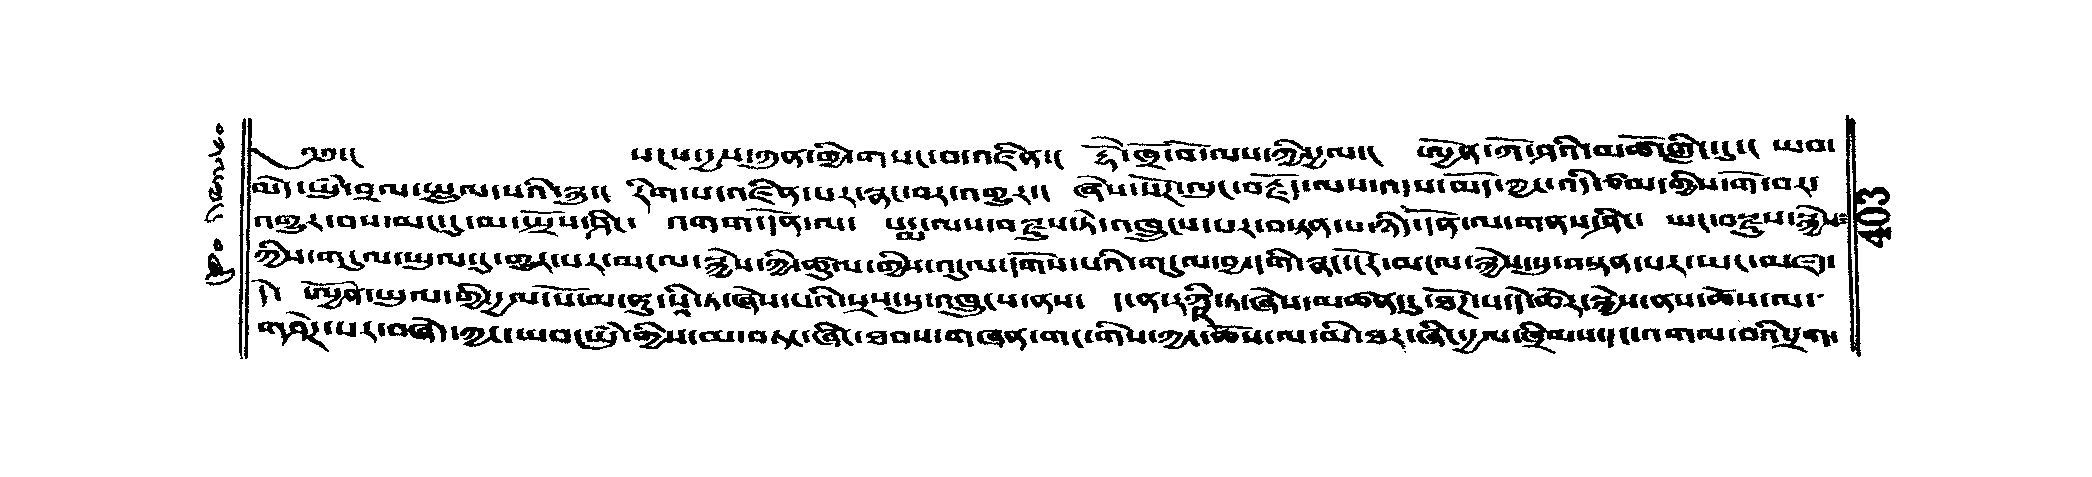སངས་རྒྱས་ཀུན་གྱི་གསང་བ་འཛིན། །རྡོ་རྗེ་ཁྲོ་བོ་ལས་ཀྱི་རྒྱལ། །ཨོ་རྒྱན་ཀོ་ཤའི་མཚོ་གླིང་དུ། །ཡབ་
མེད་ཡུམ་བྲལ་སྤྲུལ་པའི་སྐུ། །རིག་པ་འཛིན་པར་སྣང་བར་འགྱུར། ཞེས་སོགས་ལུང་བརྗོད་ལས་འདས་མོད་ཀྱང་འདི་ཙམ་གྱིས་གོ་བར་
འགྱུར་བས་མང་དུ་མ་སྤྲོས་ཤིང་། འགག་དོན་ལ་པདྨ་ལས་བརྫུས་ཏེ་འཁྲུངས་པར་བསྟན་པ་ཉིད་དོན་ལ་གནས་ཤིང་། ཡང་བརྫུས་སྐྱེས་
ཀྱིས་གདུལ་ཡུལ་དུ་གྱུར་པར་མངལ་སྐྱེས་ཀྱི་ཚུལ་གྱིས་འདུལ་དགོས་པའི་གདུལ་བྱ་དག་གི་སྣང་ངོར་མངལ་སྐྱེས་སུ་བསྟན་པར་ཡང་མཛད་
དེ། ཨོ་རྒྱན་ཡུལ་གྱི་རྒྱལ་པོ་མ་ནུ་སཱི་ཏ་ཞེས་པའི་སྲས་སུ་འཁྲུངས་ནས། ད་ན་རཀྵི་ཏ་ཞེས་མཚན་དུ་ཐོགས་པ་དེ་ཆེར་སྐྱེས་ནས་ཆོས་ལ་
གཤེགས་པར་བཞེད་ཀྱང་ཡབ་ཡུམ་གྱིས་མ་བཏང་ཞིང་ཐབས་གཞན་གང་གིས་ཀྱང་ཆོས་ལ་མི་ཐར་ཞིང་རྒྱལ་ཁྲིམས་དང་འགལ་བའི་དྲག་